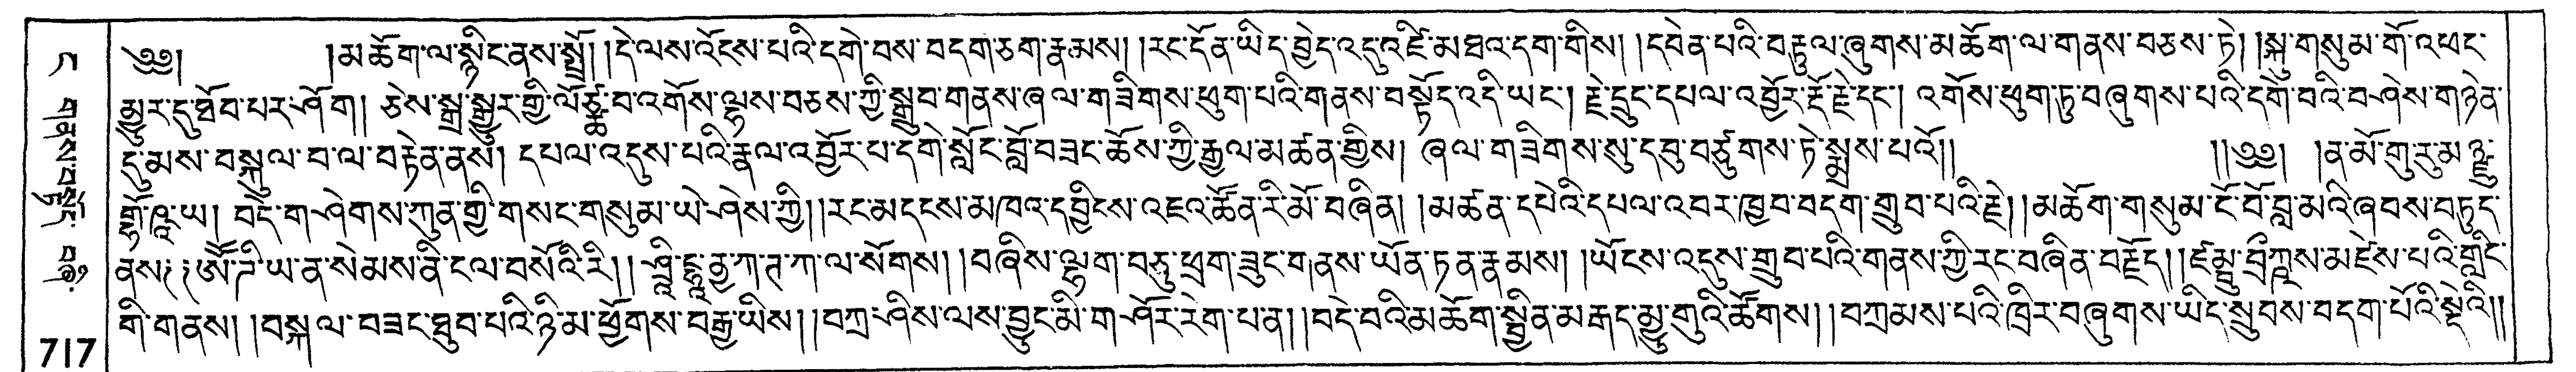༄༅། །མཆོག་ལ་སྙིང་ནས་སྤྲོ། །དེ་ལས་འོངས་པའི་དགེ་བས་བདག་ཅག་རྣམས། །རང་དོན་ཡིད་བྱེད་འདུ་འཛི་མཐའ་དག་གིས། །དབེན་པའི་བརྟུལ་ཞུགས་མཆོག་ལ་གནས་བཅས་ཏེ། །སྐུ་གསུམ་གོ་འཕང་
མྱུར་དུ་ཐོབ་པར་ཤོག །ཅེས་སྒྲ་སྒྱུར་གྱི་ལོཙྪ་བ་འགོས་ལྷས་བཅས་ཀྱི་སྒྲུབ་གནས་ཞལ་གཟིགས་ཕུག་པའི་གནས་བསྟོད་འདི་ཡང་། རྗེ་དྲུང་དཔལ་འབྱོར་རྡོ་རྗེ་དང་། འགོས་ཕུག་ཏུ་བཞུགས་པའི་དགེ་བའི་བཤེས་གཉེན་
དུ་མས་བསྐུལ་བ་ལ་བརྟེན་ནས། དཔལ་འདུས་པའི་རྣལ་འབྱོར་པ་དགེ་སློང་བློ་བཟང་ཆོས་ཀྱི་རྒྱལ་མཚན་གྱིས། ཞལ་གཟིགས་སུ་དབུ་བཙུགས་ཏེ་སྨྲས་པའོ།། །།༄༅། །ན་མོ་གུ་རུ་མཉྫུ་
གྷོ་ཥཱ་ཡ། བདེ་གཤེགས་ཀུན་གྱི་གསང་གསུམ་ཡེ་ཤེས་ཀྱི། །རང་མདངས་མཁའ་དབྱིངས་འཇའ་ཚོན་རི་མོ་བཞིན། །མཚན་དཔེའི་དཔལ་འབར་ཁྱབ་བདག་གྲུབ་པའི་རྗེ། །མཆོག་གསུམ་ངོ་བོ་བླ་མའི་ཞབས་བཏུད་
ནས༑ ༑ཨཽ་ཌི་ཡ་ན་སེམས་ནི་ངལ་བསོའི་རི། །ཤྲཱི་དྷཱ་ནྱ་ཀ་ཊ་ཀ་ལ་སོགས། །བཞིས་ལྷག་བཅུ་ཕྲག་ཟུང་གནས་ཡོན་ཏན་རྣམས། །ཡོངས་འདུས་གྲུབ་པའི་གནས་ཀྱི་རང་བཞིན་བརྗོད། །ཛམྦུ་བྲྀཀྵས་མཛེས་པའི་གླིང་
གི་གནས། །བསྐལ་བཟང་ཐུབ་པའི་ཉི་མ་ཕྱོགས་བརྒྱ་ཡིས། །བཀྲ་ཤིས་ལས་བྱུང་མི་གཤོར་རེག་པ་ན། །བདེ་བའི་མཆོག་སྦྱིན་མ་རྒད་མྱུ་གུའི་ཚོགས། །བཀྲམས་པའི་ཁྲིར་བཞུགས་ཡིད་སྲུབས་བདག་པོའི་སྡེའི། །